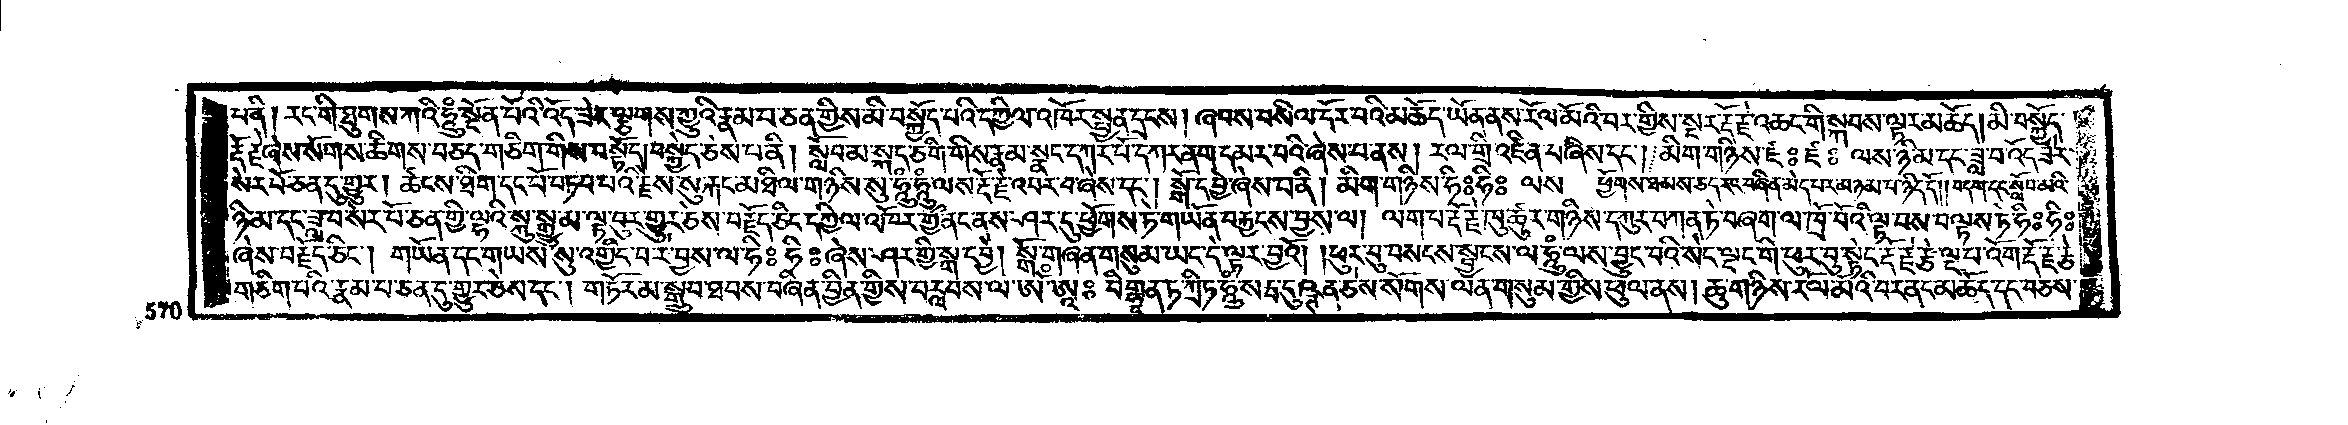པ་ནི། རང་གི་ཐུགས་ཀའི་ཧཱུཾ་སྔོན་པོའི་འོད་ཟེར་ལྕགས་ཀྱུའི་རྣམ་པ་ཅན་གྱིས་མི་བསྐྱོད་པའི་དཀྱིལ་འཁོར་སྤྱན་དྲངས། ཞབས་བསིལ་དོར་བའི་མཆོད་ཡོན་ནས་རོལ་མོའི་བར་གྱིས་སྔར་རྡོ་རྗེ་འཆང་གི་སྐབས་ལྟར་མཆོད། མི་བསྐྱོད་
རྡོ་རྗེ་ཞེས་སོགས་ཚིགས་བཅད་གཅིག་གིས་བསྟོད། བསྐྱེད་ཅེས་པ་ནི། སློབ་མ་སྐད་ཅིག་གིས་རྣམ་སྣང་དཀར་པོ་དཀར་ནག་དམར་བའི་ཞེས་པ་ནས། རལ་གྲི་འཛིན་པ་ཞེས་དང་། མིག་གཉིས་ཛཿ ཛཿ ལས་ཉི་མ་དང་ཟླ་བ་འོད་ཟེར་
སེར་པོ་ཅན་དུ་གྱུར། ཚངས་ཐིག་དང་པོ་བཏབ་པའི་རྗེས་སུ་རྐང་མཐིལ་གཉིས་སུ་ཧཱུཾ་ཧཱུཾ་ལས་རྡོ་རྗེ་འབར་བ་ཞེས་དང་། སྒོ་དབྱེ་ཞེས་པ་ནི། མིག་གཉིས་ཧིཿ ཧིཿ ལས་ཕྱོགས་ཐམས་ཅད་རང་བཞིན་མེད་པར་མཉམ་པ་ཉིད་དོ། །བདག་དང་སློབ་མའི
ཉི་མ་དང་ཟླ་བ་སེར་པོ་ཅན་གྱི་ལྷའི་སྐུ་སྒྱུ་མ་ལྟ་བུར་གྱུར་ཅེས་བརྗོད་ཅིང་དཀྱིལ་འཁོར་གྱི་ནང་ནས་ཤར་དུ་ཕྱོགས་ཏེ་གཡོན་བརྐྱངས་བྱས་ལ། ལག་པ་རྡོ་རྗེ་ཁུ་ཚུར་གཉིས་དཀུར་བཀན་ཏེ་བཞག་ལ་ཁྲོ་བོའི་ལྟ་བས་བལྟས་ཏེ་ཧིཿ ཧིཿ
ཞེས་བརྗོད་ཅིང་། གཡོན་དང་གཡས་སུ་འགྱིང་བ་རེ་བྱས་ལ་ཧིཿ ཧིཿ ཞེས་ཤར་གྱི་སྒོ་དབྱེ། སྒོ་གཞན་གསུམ་ཡང་དེ་ལྟར་བྱའོ། །ཕུར་བུ་བསངས་སྦྱངས་ལ་ཧཱུཾ་ལས་བྱུང་བའི་སེང་ལྡང་གི་ཕུར་བུ་སྟེང་རྡོ་རྗེ་རྩེ་ལྔ་པ་འོག་རྡོ་རྗེ་རྩེ་
གཅིག་པའི་རྣམ་པ་ཅན་དུ་གྱུར་ཅེས་དང་། གཏོར་མ་སྒྲུབ་ཐབས་བཞིན་བྱིན་གྱིས་བརླབས་ལ་ཨོཾ་ཨཱཿ བིགྷྣན་ཏ་ཀྲིཏ་ཧཱུཾ་སརྦ་དུཥྚ་ན་ཅེས་སོགས་ལན་གསུམ་གྱིས་ཕུལ་ནས། ཆུ་གཉིས་རོལ་མོའི་བར་ནང་མཆོད་དང་བཅས་